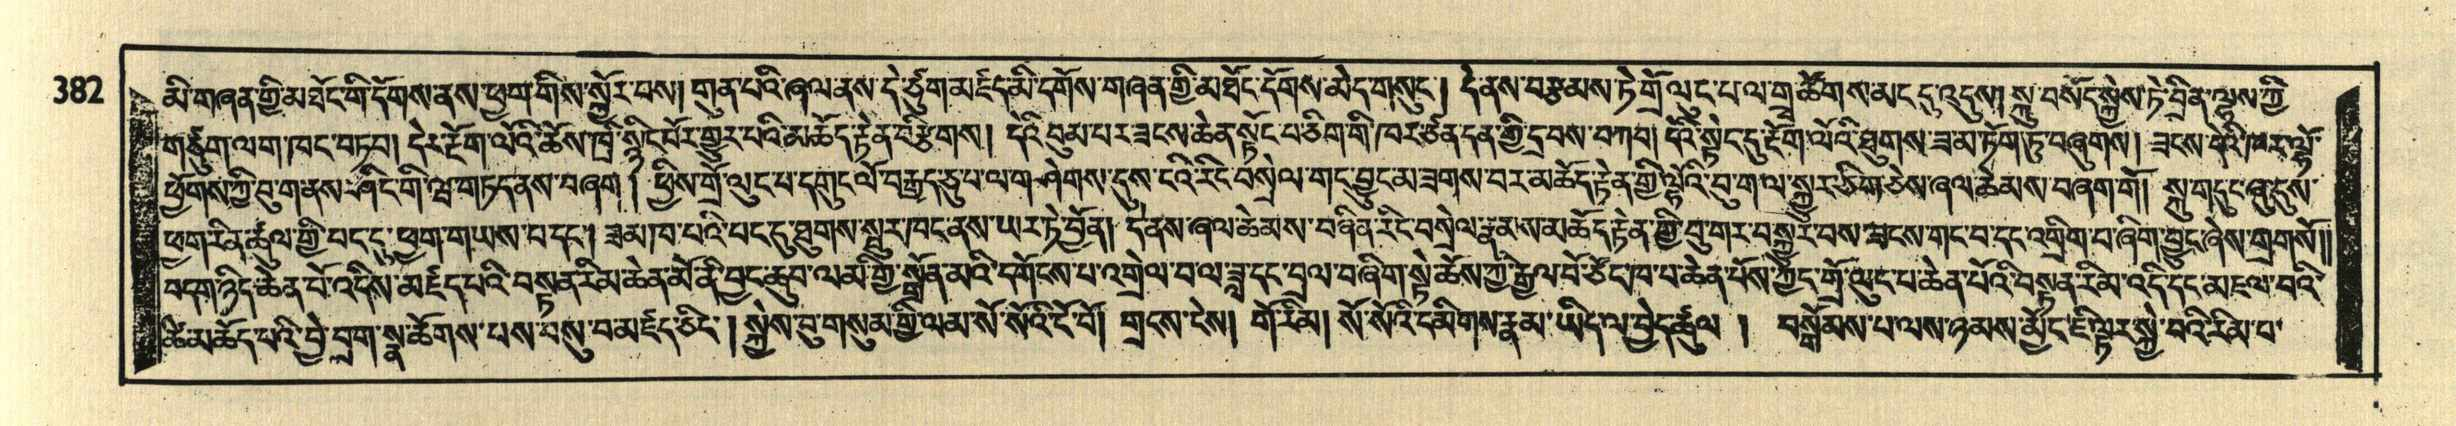མི་གཞན་གྱི་མཐོང་གི་དོགས་ནས་ཕྱག་གིས་སྐྱོར་བས། གུན་པའི་ཞལ་ནས་དེ་ཙུག་མཛད་མི་དགོས་གཞན་གྱི་མཐོང་དོགས་མེད་གསུང་། དེ་ནས་བརྩམས་ཏེ་གྲོ་ལུང་པ་ལ་གྲྭ་ཚོགས་མང་དུ་འདུས། སྐུ་བསོད་སྐྱེས་ཏེ་བྲིན་ལྷས་ཀྱི་
གཙུག་ལག་ཁང་བཏབ། དེར་རྔོག་ལོའི་ཆོས་ཁྲི་སྙིང་པོར་གྱུར་པའི་མཆོད་རྟེན་བརྩིགས། དེའི་བུམ་པར་ཟངས་ཆེན་སྟོང་བ་ཅིག་གི་ཁར་ཙན་དན་གྱི་དྲ་བས་བཀབ། དེའི་སྟེང་དུ་རྔོག་ལོའི་ཐུགས་ཟ་མ་ཏོག་ཏུ་བཞུགས། ཟངས་དེའི་ཁར་ལྷོ་
ཕྱོགས་ཀྱི་བུ་གནས་ཤིང་གི་ཝ་གཏད་ནས་བཞག། ཕྱིས་གྲོ་ལུང་པ་དགུང་ལོ་བརྒྱད་ཅུ་པ་ལ་གཤེགས་དུས་ངའི་རིང་བསྲེལ་གང་བྱུང་མ་ཟགས་བར་མཆོད་རྟེན་གྱི་ལྷོའི་བུ་ག་ལ་སྐྱུར་ཅིག་ཅེས་ཞལ་ཆེམས་བཞག་གོ། སྐུ་གདུང་ཞུ་དུས་
ཕྱག་རིན་ཚུལ་གྱི་པང་དུ་ཕྱག་གཡས་པ་དང་། ཟམ་ཁ་པའི་པང་དུ་ཐུགས་སྦུར་ཁང་ནས་ཡར་ཏེ་བྱོན། དེ་ནས་ཞལ་ཆེམས་བཞིན་རིང་བསྲེལ་རྣམས་མཆོད་རྟེན་གྱི་བུ་གར་བསྐྱུར་བས་ཟངས་གང་བ་དང་འགྲིག་པ་ཞིག་བྱུང་ཞེས་གྲགས་སོ།།
བདག་ཉིད་ཆེན་པོ་འདིས་མཛད་པའི་བསྟན་རིམ་ཆེན་མོ་ནི་བྱང་ཆུབ་ལམ་གྱི་སྒྲོན་མའི་དགོངས་པ་འགྲེལ་བ་ལ་ཟླ་དང་བྲལ་བ་ཞིག་སྟེ་ཆོས་ཀྱི་རྒྱལ་པོ་ཙོང་ཁ་པ་ཆེན་པོས་ཀྱང་གྲོ་ལུང་པ་ཆེན་པོའི་བསྟན་རིམ་འདི་དང་མཇལ་བའི་
ཚི་མཆོད་པའི་བྱེ་བྲག་སྣ་ཚོགས་པས་བསུ་བ་མཛད་ཅིང་། སྐྱེས་བུ་གསུམ་གྱི་ལམ་སོ་སོའི་ངོ་བོ། གྲངས་ངེས། གོ་རིམ། སོ་སོའི་དམིགས་རྣམ་ཡིད་ལ་བྱེད་ཚུལ། བསྒོམས་པ་ལས་ཉམས་མྱོང་ཇི་ལྟར་སྐྱེ་བའི་རིམ་པ་